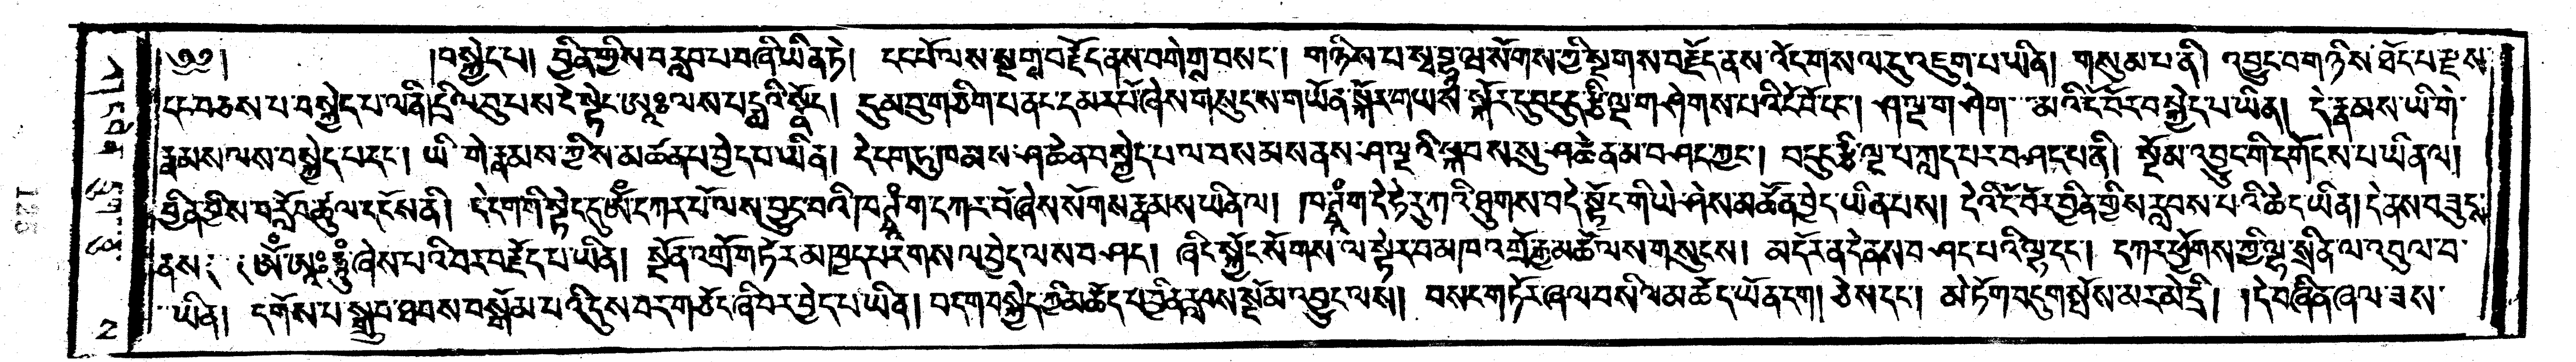༄༅། །བསྐྱེད་པ། བྱིན་གྱིས་བརླབ་པ་བཞི་ཡིན་ཏེ། དང་པོ་ལས་སྔགས་བརྗོད་ནས་བགེགས་བསང་། གཉིས་པ་སྭ་བྷཱ་ཝ་སོགས་ཀྱི་སྔགས་བརྗོད་ནས་འོད་གསལ་དུ་འཇུག་པ་ཡིན། གསུམ་པ་ནི། འབྱུང་བ་གཉིས་ཐོད་པ་རྫས་
དང་བཅས་པ་བསྐྱེད་པ་ལ་ནི། དྲིལ་བུ་པས་དེ་སྟེང་ཨཱཿ ལས་པདམའི་སྣོད། དུམ་བུ་གཅིག་པ་ནང་དམར་པོ་ཞེས་གསུངས་གཡོན་སྐོར་དུ་བདུད་རྩི་ལྔ་གཤེགས་པའི་ངོ་བོ་དང་། ཤ་ལྔ་གཤེགས་པའི་ངོ་བོར་བསྐྱེད་པ་ཡིན། དེ་རྣམས་ཡི་གེ་
རྣམས་ལས་བསྐྱེད་པ་དང་། ཡི་གེ་རྣམས་ཀྱིས་མཚན་པ་བྱེད་པ་ཡིན། དེ་དག་ཏུ་ཁམས་ཤ་ཆེན་བསྐྱེད་པ་ལ་བསམས་ནས་ཤ་ལྔའི་སྐབས་སུ་ཤ་ཆེན་མ་བཤད་ཀྱང་། བདུད་རྩི་ལྔ་པ་ཀླད་པར་བཤད་པ་ནི། སྔོམ་འབྱུང་གི་དགོངས་པ་ཡིན་ལ།
བྱིན་བྱིས་བརློབ་ཚུལ་དངོས་ནི། དེ་དག་གི་སྟེང་དུ་ཨོཾ་དཀར་པོ་ལས་བྱུང་བའི་ཁ་ཊྭཱཾ་ག་དཀར་བོ་ཞེས་སོགས་རྣམས་ཡིན་ལ། ཁ་ཊྭཱཾ་ག་དེ་ཧེ་རུ་ཀའི་ཐུགས་བདེ་སྟོང་གི་ཡེ་ཤེས་མཚོན་བྱེད་ཡིན་པས། དེའི་ངོ་བོར་བྱིན་གྱིས་རླབས་པའི་ཆེད་ཡིན། དེ་ནས་བཟུངས་
ནས༑ ༑ཨོཾ་ཨཱཿ ཧཱུཾ་ཞེས་པའི་བར་བརྗོད་པ་ཡིན། སྔོན་འགྲོ་གཏོར་མཁྱད་པར་གསལ་བྱེད་ལས་བཤད། ཞིང་སྐྱོང་སོགས་ལ་སྟེར་བ་མཁའ་འགྲོ་རྒྱ་མཚོ་ལས་གསུངས། མདོར་ན་དེ་ནས་བཤད་པའི་ལྷ་དང་། དཀར་ཕྱོགས་ཀྱི་ལྷ་སྲིན་ལ་འབུལ་བ་
ཡིན། དགོས་པ་སྒྲུབ་ཐབས་བསྒོམ་པའི་དུས་བར་གཅོང་ཞི་བར་བྱེད་པ་ཡིན། བདག་བསྐྱེད་ཀྱི་མཆོད་པ་བྱིན་རླབས་སྔོམ་འབྱུང་ལས། བསང་གཏོར་ཞལ་བསིལ་མཆོད་ཡོན་དག། ཅེས་དང་། མེ་ཏོག་བདུག་སྤོས་མར་མེ་དྲི། །དེ་བཞིན་ཞལ་ཟས་